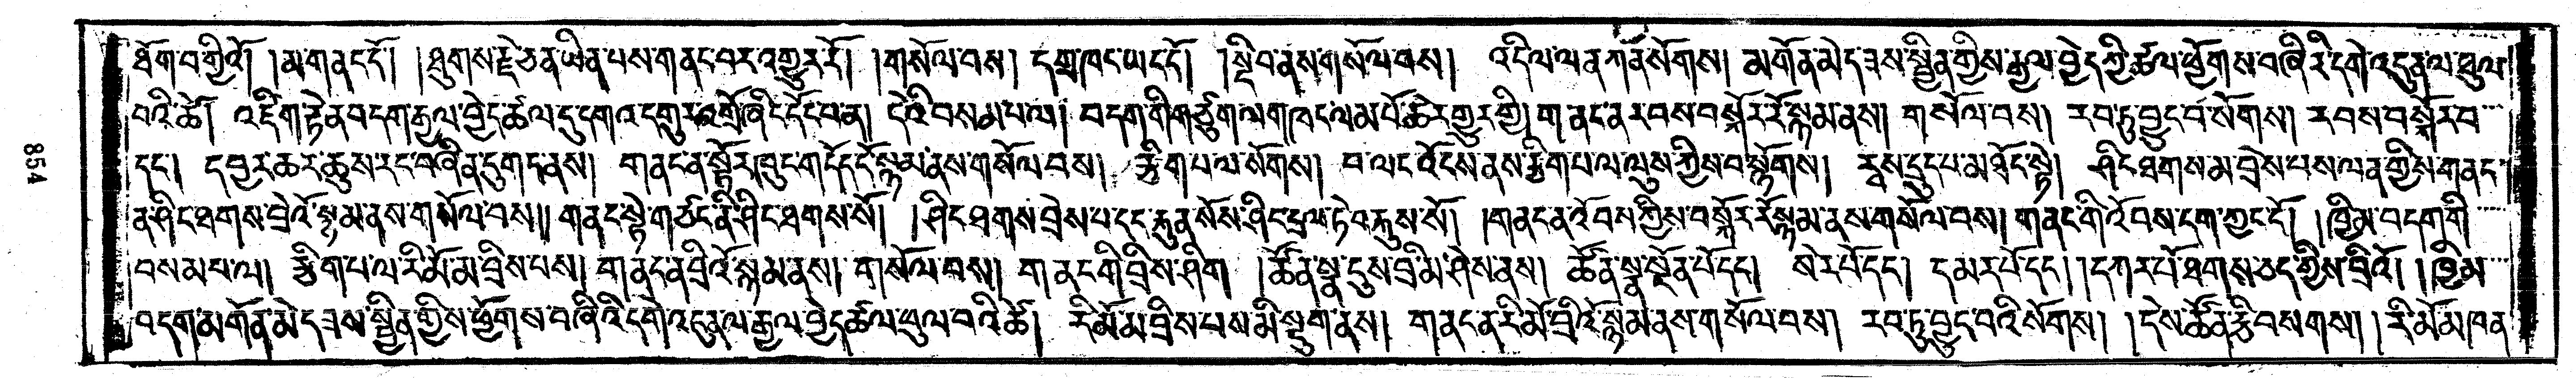ཐོག་བ་གྱིའོ། །མ་གནང་ངོ། །ཐུགས་རྗེ་ཅན་ཡིན་པས་གནང་བར་འགྱུར་རོ། །གསོལ་བས། དགྲ་ཁང་ཡང་ངོ། །སྡིབ་ནས་གསོལ་བས། འདི་ལ་ལན་ཀན་སོགས། མགོན་མེད་ཟས་སྦྱིན་གྱིས་རྒྱལ་བྱེད་ཀྱི་ཚལ་ཕྱོགས་བཞིའི་དགེ་འདུན་ལ་ཐུལ་
བའི་ཚེ། འཇིག་རྟེན་བདག་རྒྱལ་བྱེད་ཚལ་དུ་དགའ་དགུར་འགྲོ་ཞིང་དོང་པ་ན། དེའི་བསམ་པ་ལ། བདག་གི་གཙུག་ལག་ཁང་ལམ་པོ་ཆེར་གྱུར་གྱི། གནང་ནར་བས་བསྐོར་རོ་སྙམ་ནས། གསོལ་བས། རབ་ཏུ་བྱུང་བ་སོགས། རབས་བསྐོར་བ་
དང་། དབྱར་ཆར་ཆུས་རང་བཞིན་དུ་གད་ནས། གནང་ན་སྟོར་ཁུང་གདོད་དོ་སྙམ་ནས་གསོལ་བས། རྩིག་པ་ལ་སོགས། བ་ལང་འོངས་ནས་རྩིག་པ་ལ་ལུས་ཀྱིས་བ་སྙོགས། རྭས་དྲུད་པ་མཐོང་སྟེ། ཤིང་ཐགས་མ་བྲེས་པས་ལན་གྱིས་གནད་
ན་ཤིང་ཐགས་བྲེའོ་སྙམ་ནས་གསོལ་བས།། གནང་སྟེ་གཙང་ནི་ཤིང་ཐགས་སོ། །ཤིང་ཐགས་བྲེས་པ་དང་རྐུན་སོས་ཤིང་དྲལ་ཏེ་བརྐུས་སོ། །གནང་ན་འོབས་ཀྱིས་བསྐོར་རོ་སྙམ་ནས་གསོལ་བས། གནང་གི་འོབས?་དག་ཀྱང་ངོ། །ཁྱིམ་བདག་གི་
བསམ་པ་ལ། རྩིག་པ་ལ་རི་མོ་མ་བྲིས་པས། གནང་ན་བྲིའོ་སྙམ་ནས། གསོལ་བས། གནང་གི་བྲིས་ཤིག །ཚོན་སྣ་དུས་བྲི་མ་ཤེས་ནས། ཚོན་སྣ་སྔོན་པོ་དང་། སེར་པོ་དང་། དམར་པོ་དང་། །དཀར་པོ་ཐགས་ཅད་གྱིས་བྲིའོ། །ཁྱིམ་
བདག་མགོན་མེད་ཟས་སྦྱིན་གྱིས་ཕྱོགས་བཞིའི་དགེ་འདུན་ལ་རྒྱལ་བྱེད་ཚལ་ཕུལ་བའི་ཚེ། རི་མོ་མ་བྲིས་པས་མི་སྡུག་ནས། གནང་ན་རི་མོ་བྲིའོ་སྙམ་ནས་གསོལ་བས། རབ་ཏུ་བྱུང་བའི་སོགས། །དེས་ཚོན་རྩི་བསགས། །རི་མོ་མཁན་